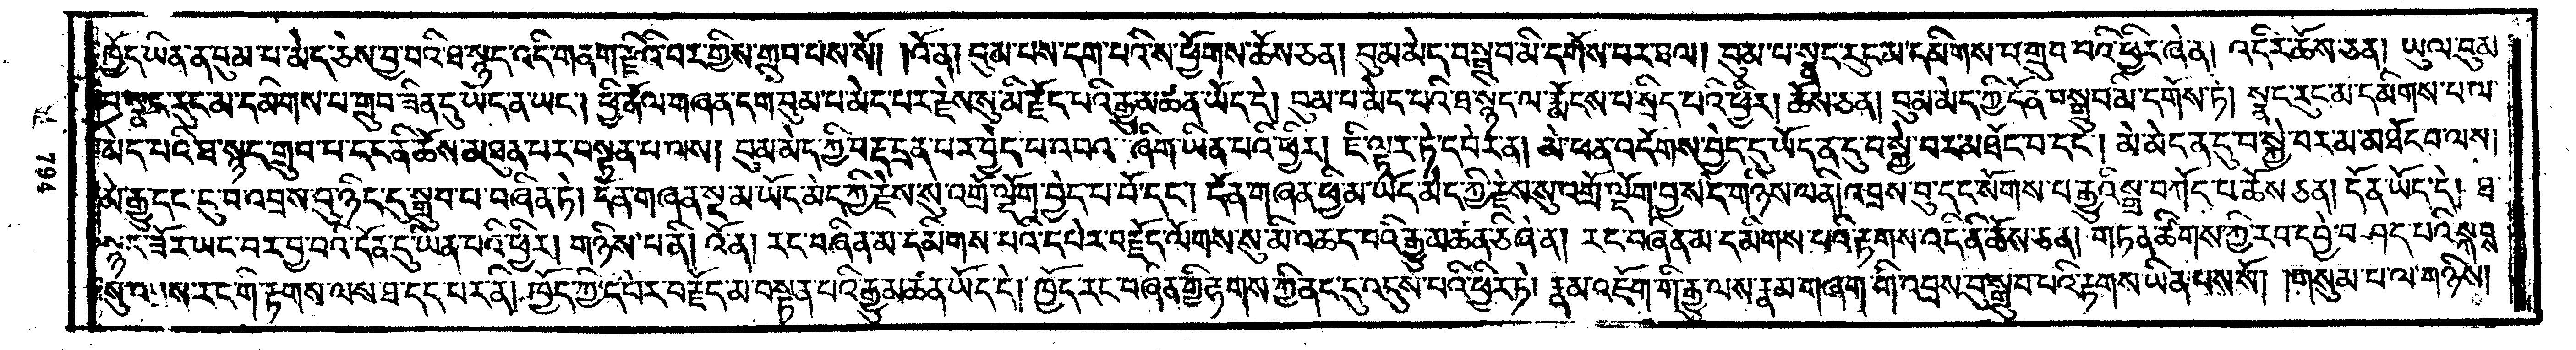ཁྱོད་ཡིན་ན་བུམ་པ་མེད་ཅེས་བྱ་བའི་ཐ་སྙད་འདི་གནག་རྗིའི་བར་གྱིས་གྲུབ་པས་སོ། །འོ་ན། བུམ་པས་དག་པའི་ས་ཕྱོགས་ཆོས་ཅན། བུམ་མེད་བསྒྲུབ་མི་དགོས་པར་ཐལ། བུམ་པ་སྣང་རུང་མ་དམིགས་པ་གྲུབ་བའི་ཕྱིར་ཞེ་ན། འདིར་ཆོས་ཅན། ཡུལ་བུམ་
པ་སྣང་རུང་མ་དམིགས་པ་གྲུབ་ཟིན་དུ་ཡོད་ན་ཡང་། ཕྱི་རྒོལ་གཞན་དག་བུམ་པ་མེད་པར་རྗེས་སུ་མི་རྗོད་པའི་རྒྱུ་མཚན་ཡོད་དེ། བུམ་པ་མེད་པའི་ཐ་སྙད་ལ་རྨོངས་པ་སྲིད་པའི་ཕྱིར། ཆོས་ཅན། བུམ་མེད་ཀྱི་དོན་བསྒྲུབ་མི་དགོས་ཏེ། སྣང་རུང་མ་དམིགས་པ་ལ་
མེད་པའི་ཐ་སྙད་གྲུབ་པ་དང་ནི་ཆོས་མཐུན་པར་བསྟན་པ་ལས། བུམ་མེད་ཀྱི་བརྡ་དྲན་པར་བྱེད་པ་འབའ་ཞིག་ཡིན་པའི་ཕྱིར། ཇི་ལྟར་ཏེ་དབེར་ན། མེ་ཕན་འདོགས་བྱེད་དུ་ཡོད་ན་དུ་བ་སྐྱེ་བར་མཐོང་བ་དང་། མེ་མེད་ན་དུ་བ་སྐྱེ་བར་མ་མཐོང་བ་ལས།
མེ་རྒྱུ་དང་དུ་བ་འབྲས་བུ་ཉིད་དུ་སྒྲུབ་པ་བཞིན་ཏེ། དོན་གཞན་སྔ་མ་ཡོད་མེད་ཀྱི་རྗེས་སུ་འགྲོ་ལྡོག་བྱེད་པ་པོ་དང་། དོན་གཞན་ཕྱི་མ་ཡོད་མེད་ཀྱི་རྗེས་སུ་འགྲོ་ལྡོག་བྱས་དེ་གཉིས་ལ་ནི། འབྲས་བུ་དང་སོགས་པ་རྒྱུའི་སྒྲ་བཀོད་པ་ཆོས་ཅན། དོན་ཡོད་དེ། ཐ་
སྙད་ཟོར་ཡང་བར་བྱ་བའི་དོན་དུ་ཡིན་པའི་ཕྱིར། གཉིས་པ་ནི། འོ་ན། རང་བཞིན་མ་དམིགས་པའི་དཔེར་བརྗོད་ལོགས་སུ་མི་འཆད་བའི་རྒྱུ་མཚན་ཅི་ཞེ་ན། རང་བཞིན་མ་དམིགས་པའི་རྟགས་འདི་ནི་ཆོས་ཅན། གཏན་ཚིགས་ཀྱི་རབ་དབྱེ་བཤད་པའི་སྐབས་
སུ་འབྲས་རང་གི་རྟགས་ལས་ཐ་དད་པར་ནི། ཁྱོད་ཀྱི་དཔེར་བརྗོད་མ་བསྟན་པའི་རྒྱུ་མཚན་ཡོད་དེ། ཁྱོད་རང་བཞིན་གྱི་རྟགས་ཀྱི་ནང་དུ་འདུས་པའི་ཕྱིར་ཏེ། རྣམ་འཇོག་གི་རྒྱུ་ལས་རྣམ་གཞག་གི་འབྲས་བུ་སྒྲུབ་པའི་རྟགས་ཡིན་པས་སོ། །གསུམ་པ་ལ་གཉིས།